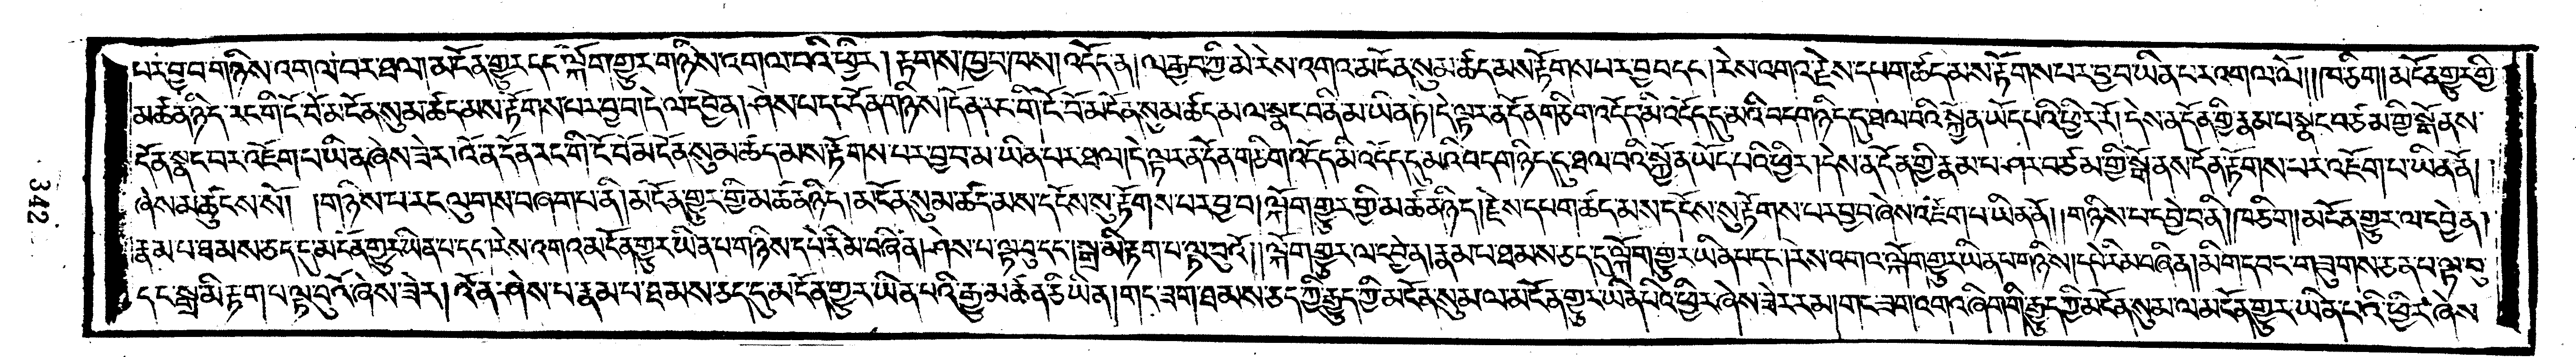པར་བྱ་བ་གཉིས་འགལ་བར་ཐལ། མངོན་གྱུར་དང་ལྐོག་གྱུར་གཉིས་འགལ་བའི་ཕྱིར། རྟགས་ཁྱབ་ཁས། འདོད་ན། ལ་རྒྱབ་ཀྱི་མེ་རེས་འགའ་མངོན་སུམ་ཚད་མས་རྟོགས་པར་བྱ་བ་དང་། རེས་འགའ་རྗེས་དཔག་ཚད་མས་རྟོགས་པར་བྱ་བ་ཡིན་པར་འགལ་ལོ། །ཁ་ཅིག །མངོན་གྱུར་གྱི་
མཚན་ཉིད། རང་གི་ངོ་བོ་མངོན་སུམ་ཚད་མས་རྟོགས་པར་བྱ་བ། དེ་ལ་དབྱེ་ན། ཤེས་པ་དང་དོན་གཉིས། དོན་རང་གི་ངོ་བོ་མངོན་སུམ་ཚད་མ་ལ་སྣང་བ་ནི་མ་ཡིན་ཏེ། དེ་ལྟར་ན་དོན་གཅིག་འདོད་མི་འདོད་དུ་མའི་བདག་ཉིད་དུ་ཐལ་བའི་སྐྱོན་ཡོད་པའི་ཕྱིར་རོ། །དེས་ན་དོན་གྱི་རྣམ་པ་སྣང་བ་ཙམ་གྱི་སྒོ་ནས་
དོན་སྣང་བར་འཇོག་པ་ཡིན་ཞེས་ཟེར། འོ་ན་དོན་རང་གི་ངོ་བོ་མངོན་སུམ་ཚད་མས་རྟོགས་པར་བྱ་བ་མ་ཡིན་པར་ཐལ། དེ་ལྟར་ན་དོན་གཅིག་འདོད་མི་འདོད་དུ་མའི་བདག་ཉིད་དུ་ཐལ་བའི་སྐྱོན་ཡོད་པའི་ཕྱིར། དེས་ན་དོན་གྱི་རྣམ་པ་ཤར་བ་ཙམ་གྱི་སྒོ་ནས་དོན་རྟོགས་པར་འཇོག་པ་ཡིན་ནོ། །
ཞེས་མཚུངས་སོ། །གཉིས་པ་རང་ལུགས་བཞག་པ་ནི། མངོན་གྱུར་གྱི་མཚན་ཉིད། མངོན་སུམ་ཚད་མས་དངོས་སུ་རྟོགས་པར་བྱ་བ། ལྐོག་གྱུར་གྱི་མཚན་ཉིད། རྗེས་དཔག་ཚད་མས་དངོས་སུ་རྟོགས་པར་བྱ་བ་ཞེས་འཇོག་པ་ཡིན་ནོ། །གཉིས་པ་དབྱེ་བ་ནི། ཁ་ཅིག །མངོན་གྱུར་ལ་དབྱེ་ན།
རྣམ་པ་ཐམས་ཅད་དུ་མངོན་གྱུར་ཡིན་པ་དང་། རེས་འགའ་མངོན་གྱུར་ཡིན་པ་གཉིས་དཔེ་རིམ་བཞིན། ཤེས་པ་ལྟ་བུ་དང་། སྒྲ་མི་རྟག་པ་ལྟ་བུའོ། །ལྐོག་གྱུར་ལ་དབྱེ་ན། རྣམ་པ་ཐམས་ཅད་དུ་ལྐོག་གྱུར་ཡིན་པ་དང་། རེས་འགའ་ལྐོག་གྱུར་ཡིན་པ་གཉིས། དཔེ་རིམ་བཞིན། མིག་དབང་གཟུགས་ཅན་པ་ལྟ་བུ་
དང་སྒྲ་མི་རྟག་པ་ལྟ་བུའོ་ཞེས་ཟེར། འོ་ན་ཤེས་པ་རྣམ་པ་ཐམས་ཅད་དུ་མངོན་གྱུར་ཡིན་པའི་རྒྱུ་མཚན་ཅི་ཡིན། གང་ཟག་ཐམས་ཅད་ཀྱི་རྒྱུད་ཀྱི་མངོན་སུམ་ལ་མངོན་གྱུར་ཡིན་པའི་ཕྱིར་ཞེས་ཟེར་རམ། གང་ཟག་འགའ་ཞིག་གི་རྒྱུད་ཀྱི་མངོན་སུམ་ལ་མངོན་གྱུར་ཡིན་པའི་ཕྱིར་ཞེས་